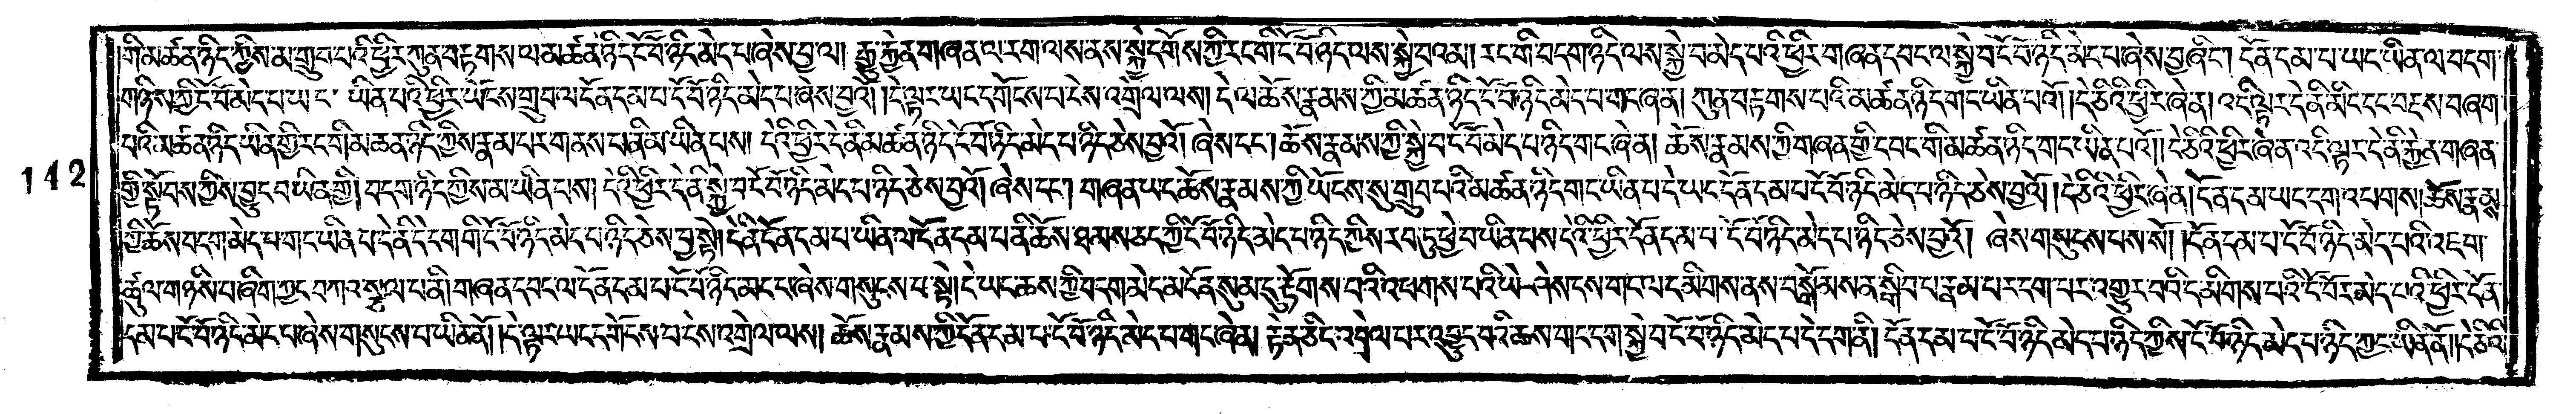གི་མཚན་ཉིད་ཀྱིས་མ་གྲུབ་པའི་ཕྱིར་ཀུན་བརྟགས་ལ་མཚན་ཉིད་ངོ་བོ་ཉིད་མེད་པ་ཞེས་བྱ་ལ། རྒྱུ་རྐྱེན་གཞན་ལ་རག་ལས་ནས་སྐྱེ་དགོས་ཀྱི་རང་གི་ངོ་བོ་ཉིད་ལས་སྐྱེ་བའམ། རང་གི་བདག་ཉིད་ལས་སྐྱེ་བ་མེད་པའི་ཕྱིར་གཞན་དབང་ལ་སྐྱེ་བ་ངོ་བོ་ཉིད་མེད་པ་ཞེས་བྱ་ཞིང་། དོན་དམ་པ་ཡང་ཡིན་ལ་བདག་
གཉིས་ཀྱི་ངོ་བོ་མེད་པ་ཡང་ཡིན་པའི་ཕྱིར་ཡོངས་གྲུབ་ལ་དོན་དམ་པ་ངོ་བོ་ཉིད་མེད་པ་ཞེས་བྱའོ། །དེ་ལྟར་ཡང་དགོངས་པ་ངེས་འགྲེལ་ལས། དེ་ལ་ཆོས་རྣམས་ཀྱི་མཚན་ཉིད་ངོ་བོ་ཉིད་མེད་པ་གང་ཞན། ཀུན་བརྟགས་པའི་མཚན་ཉིད་གང་ཡིན་པའོ། །དེ་ཅིའི་ཕྱིར་ཞེ་ན། འདི་ལྟར་དེ་ནི་མིང་དང་བརྔས་བཞག་
པའི་མཚན་ཉིད་ཡིན་གྱི་རང་གི་མཚན་ཉིད་ཀྱིས་རྣམ་པར་གནས་པ་ནི་མ་ཡིན་པས། དེའི་ཕྱིར་དེ་ནི་མཚན་ཉིད་ངོ་བོ་ཉིད་མེད་པ་ཉིད་ཅེས་བྱའོ། ཞེས་དང་། ཆོས་རྣམས་ཀྱི་སྐྱེ་བ་ངོ་བོ་མེད་པ་ཉིད་གང་ཞེ་ན། ཆོས་རྣམས་ཀྱི་གཞན་གྱི་དབང་གི་མཚན་ཉིད་གང་ཡིན་པའོ། །དེ་ཅིའི་ཕྱིར་ཞེ་ན་འདི་ལྟར་དེ་ནི་རྐྱེན་གཞན་
གྱི་སྟོབས་ཀྱིས་བྱུང་བ་ཡིན་གྱི། བདག་ཉིད་ཀྱིས་མ་ཡིན་པས། དེའི་ཕྱིར་དེ་ནི་སྐྱེ་བ་ངོ་བོ་ཉིད་མེད་པ་ཉིད་ཅེས་བྱའོ། ཞེས་དང་། གཞན་ཡང་ཆོས་རྣམས་ཀྱི་ཡོངས་སུ་གྲུབ་པའི་མཚན་ཉིད་གང་ཡིན་པ་དེ་ཡང་དོན་དམ་པ་ངོ་བོ་ཉིད་མེད་པ་ཉིད་ཅེས་བྱའོ། །དེ་ཅིའི་ཕྱིར་ཞེ་ན། དོན་དམ་ཡང་དག་འཕགས། ཆོས་རྣམས་
ཀྱི་ཆོས་བདག་མེད་པ་གང་ཡིན་པ་དེ་ནི་དེ་དག་གི་ངོ་བོ་ཉིད་མེད་པ་ཉིད་ཅེས་བྱ་སྟེ། དེ་ནི་དོན་དམ་པ་ཡིན་ལ་དོན་དམ་པ་ནི་ཆོས་ཐམས་ཅད་ཀྱི་ངོ་བོ་ཉིད་མེད་པ་ཉིད་ཀྱིས་རབ་ཏུ་ཕྱེ་བ་ཡིན་པས་དེའི་ཕྱིར་དོན་དམ་པ་ངོ་བོ་ཉིད་མེད་པ་ཉིད་ཅེས་བྱའོ། ཞེས་གསུངས་པས་སོ། །དོན་དམ་པ་ངོ་བོ་ཉིད་མེད་པའི་འཇག་
ཚུལ་གཉིས་བ་ཞིག་ཀྱང་བཀའ་སྩལ་པ་ནི། གཞན་དབང་ལ་དོན་དམ་པ་ངོ་བོ་ཉིད་མེད་མང་པ་ཞེས་གསུངས་པ་སྟེ། དེ་ཡང་ཆོས་ཀྱི་བདག་མེད་མངོན་སུམ་དུ་རྟོགས་པའི་འཕགས་པའི་ཡེ་ཤེས་དས་གང་ལ་དམིགས་ནས་བསྒོམས་ན་སྒིབ་པ་རྣམ་པར་དག་པར་འགྱུར་བའི་དམིགས་པའི་ངོ་བོར་མེད་པའི་ཕྱིར་དོན་
དམ་པ་ངོ་བོ་ཉིད་མེད་པ་ཞེས་གསུངས་པ་ཡིན་ནོ། །དེ་ལྟར་ཡང་དགོངས་པ་ངེས་འགྲེལ་ལས། ཆོས་རྣམས་ཀྱི་དོན་དམ་པ་ངོ་བོ་ཉིད་མེད་པ་གང་ཞེ་ན། རྟེན་ཅིང་འབྲེལ་པར་འབྱུང་བའི་ཆས་གང་དག་སྐྱེ་བ་ངོ་བོ་ཉིད་མེད་པ་དེ་དག་ནི། དོན་དམ་པ་ངོ་བོ་ཉིད་མེད་པ་ཉིད་ཀྱིས་ངོ་བོ་ཉིད་མེད་པ་ཉིད་ཀྱང་ཡིན་ནོ། །དེ་ཅིའི་